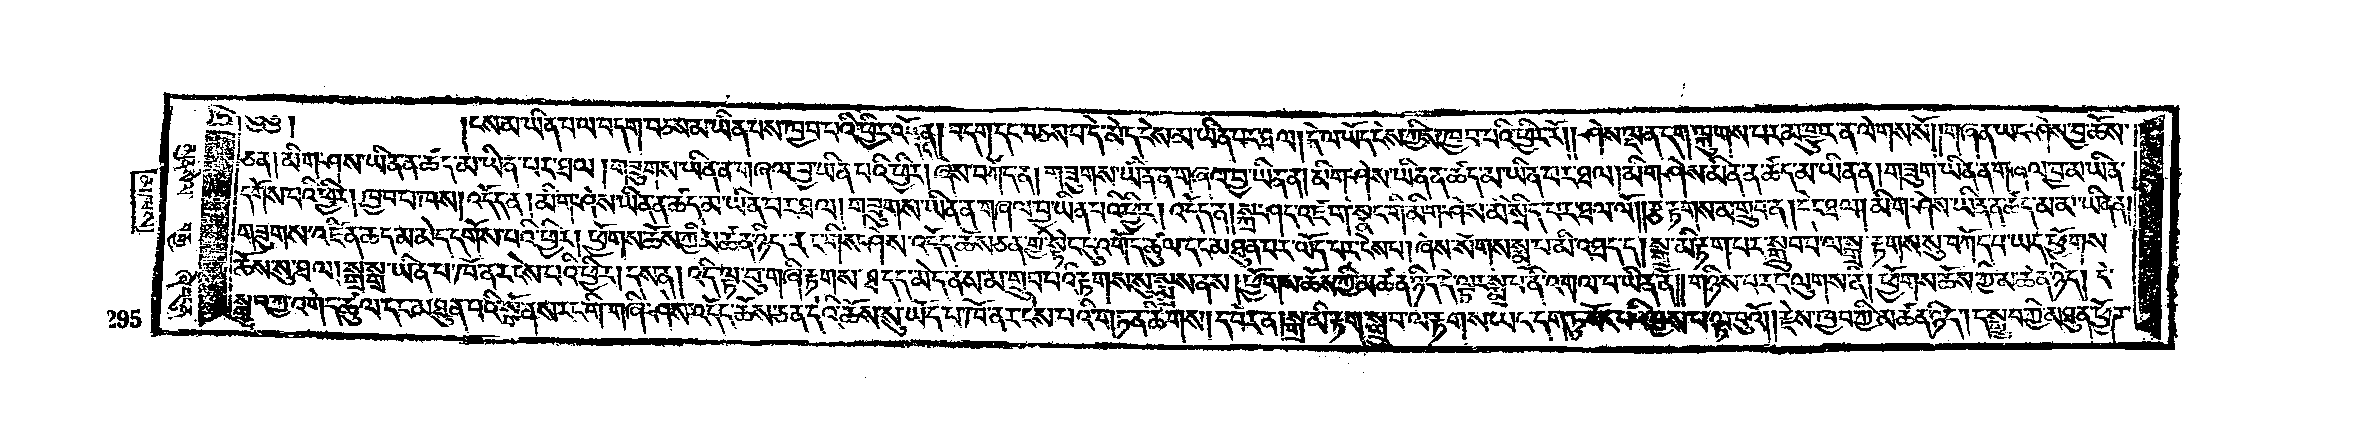༄༅། །ངེས་མ་ཡིན་པ་ལ་བདག་བཅས་མ་ཡིན་པས་ཁྱབ་པའི་ཕྱིར་འདོད་ན། ?་བདག་དང་བཅས་པ་དེ་མེད་ངེས་མ་ཡིན་པར་ཐལ། དེ་ལ་ཡོད་ངེས་ཀྱིས་ཁྱབ་པའི་ཕྱིར་རོ། །ཤེས་ལྡན་དག་ལྐུགས་པར་མ་གྱུར་ན་ལེགས་སོ། །གཞན་ཡང་ཤེས་བྱ་ཆོས་
ཅན། མིག་ཤེས་ཡིན་ན་ཚད་མ་ཡིན་པར་ཐལ། གཟུགས་ཡིན་ན་གཞལ་བྱ་ཡིན་པའི་ཕྱིར། ཞེས་བཀོད་ན། གཟུགས་ཡིན་ན་གཞལ་བྱ་ཡིན་ན། མིག་ཤེས་ཡིན་ན་ཚད་མ་ཡིན་པར་ཐལ། མིག་ཤེས་མིན་ན་ཚད་མ་ཡིན་ན། གཟུག་ཡིན་ན་གཞལ་བྱ་མ་ཡིན་
དགོས་པའི་ཕྱིར། ཁྱབ་པ་ཁས། འདོད་ན། མིག་ཤེས་ཡིན་ན་ཚད་མ་ཡིན་པར་ཐལ། གཟུགས་ཡིན་ན་གཞལ་བྱ་ཡིན་པའི་ཕྱིར། འདོད་ན། སྐྲ་ཤད་འཛག་སྣང་གི་མིག་ཤེས་མི་སྲིད་པར་ཐལ་ལོ། །རྩ་རྟགས་མ་གྲུབ་ན། དེར་ཐལ། མིག་ཤེས་ཡིན་ན་ཚད་མ་མ་ཡིན་ན། །
གཟུགས་འཛིན་ཚད་མ་མེད་དགོས་པའི་ཕྱིར། ཕྱོགས་ཆོས་ཀྱི་མཚན་ཉིད་རང་གིས་ཤེས་འདོད་ཆོས་ཅན་གྱི་སྟེང་དུ་འགོད་ཚུལ་དང་མཐུན་པར་ཡོད་པར་ངེས་པ། ཞེས་སོགས་སྨྲ་བ་མི་འཐད་དེ། སྒྲ་མི་རྟག་པར་སྒྲུབ་པ་ལ་སྒྲ་རྟགས་སུ་བཀོད་པ་ཡང་ཕྱོགས་
ཆོས་སུ་ཐལ། སྒྲ་སྒྲ་ཡིན་པ་ཁོ་ནར་ངེས་པའི་ཕྱིར། དེས་ན། འདི་ལྟ་བུ་གཞི་རྟགས་ཐ་དད་མེད་ན་མ་མ་གྲུབ་པའི་རྟགས་སུ་སྨྲས་ནས། ཕྱོགས་ཆོས་ཀྱི་མཚན་ཉིད་དེ་ལྟར་སྨྲ་བ་ནི་འགལ་བ་ཡིན་ནོ། །གཉིས་པ་རང་ལུགས་ནི། ཕྱོགས་ཆོས་ཀྱི་མཚན་ཉིད། དེ་
སྒྲུབ་ཀྱི་འགོད་ཚུལ་དང་མཐུན་པའི་སྒོ་ནས་རང་གི་གཞི་ཤེས་འདོད་ཆོས་ཅན་དེའི་ཆོས་སུ་ཡོད་པ་ཁོ་ནར་ངེས་པའི་གཏན་ཚིགས། དཔེར་ན། སྒྲ་མི་རྟག་སྒྲུབ་ལ་རྟགས་ཡང་དག་ཏུ་སོང་བའི་བྱས་པ་ལྟ་བུའོ། །རྗེས་ཁྱབ་ཀྱི་མཚན་ཉིད། དེ་སྒྲུབ་ཀྱི་མཐུན་ཕྱོཌ་